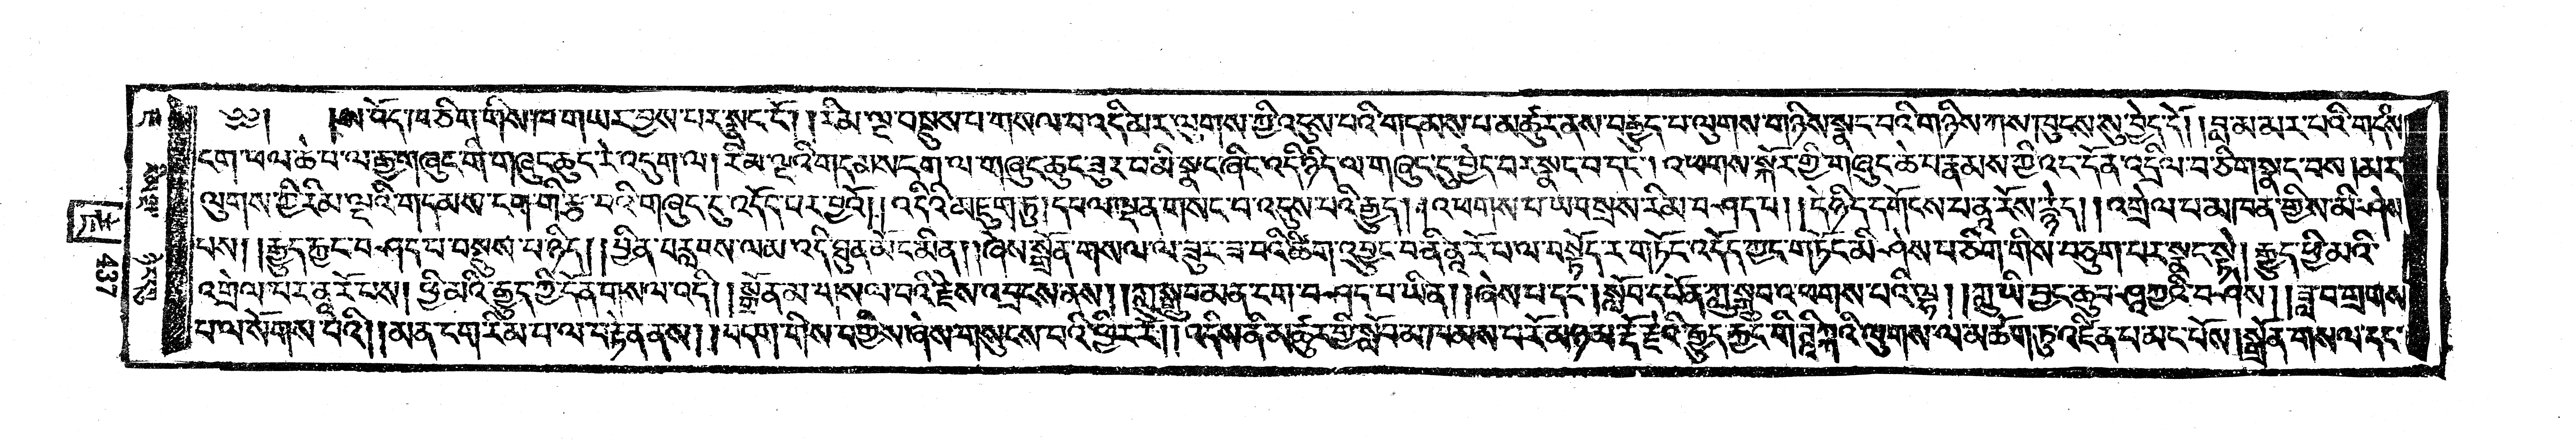༄༅། །ལ་བོད་ཁ་ཅིག་གིས་ཁ་གཡར་བྱས་པར་སྣང་ངོ། །རིམ་ལྔ་བསྡུས་པ་གསལ་བ་འདི་མར་ལུགས་ཀྱི་འདུས་པའི་གདམས་པ་མཚུར་ནས་བརྒྱུད་པ་ལུགས་གཉིས་སྣང་བའི་གཉིས་ཀས་ཁུངས་སུ་བྱེད་དོ། །བླ་མ་མར་པའི་གདམས་
ངག་ཕལ་ཆེ་བ་ལ་རྒྱ་གཞུང་གི་གཞུང་ཆུང་རེ་འདུག་ལ། རིམ་ལྔའི་གདམས་ངག་ལ་གཞུང་ཆུང་ཟུར་པ་མི་སྣང་ཞིང་འདི་ཉིད་ལ་གཞུང་དུ་བྱེད་པར་སྣང་བ་དང་། འཕགས་སྐོར་གྱི་གཞུང་ཆེ་བ་རྣམས་ཀྱི་འང་དོན་འདྲིལ་བ་ཅིག་སྣང་བས། མར་
ལུགས་ཀྱི་རིམ་ལྔའི་གདམས་ངག་གི་རྩ་བའི་གཞུང་དུ་འདོད་པར་བྱའོ། །འདིའི་མཇུག་ཏུ། དཔལ་ལྡན་གསང་བ་འདུས་པའི་རྒྱུད། །འཕགས་པ་ཡབ་སྲས་རིམ་བཤད་པ། །དེ་ཉིད་དགོངས་པ་ནཱ་རོས་རྙེད། །འགྲེལ་པ་མཁན་གྱིས་མི་ཤེས་པས། །རྒྱུད་རྐྱང་བཤད་པ་བསྡུས་པ་ཉིད། །བྱིན་བརླབས་ལམ་འདི་ཐུན་མོང་མིན། །ཞས་སྒྲོན་གསལ་ལ་ཟུར་ཟ་བའི་ཚིག་འབྱུང་བ་ནི་ནཱ་རོ་པ་ལ་བསྟོད་ར་གཏོང་འདོད་ཀྱང་གཏོང་མི་ཤེས་པ་ཅིག་གིས་བཅུག་པར་སྣང་སྟེ། རྒྱུད་ཕྱི་མའི་
འགྲེལ་པར་ནཱ་རོ་པས། ཕྱི་མའི་རྒྱུད་ཀྱི་དོན་གསལ་འདི། །སྒྲོན་མ་གསལ་བའི་རྗེས་འབྲངས་ནས། །ཀླུ་སྒྲུབ་མན་ངག་བཤད་པ་ཡིན། །ཞེས་པ་དང་། སློབ་དཔོན་ཀླུ་སྒྲུབ་འཕགས་པའི་ལྷ། །ཀླུ་ཡི་བྱང་ཆུབ་ཤཱཀྱའི་བཤེས། །ཟླ་བ་གྲགས་
པ་ལ་སོགས་པའི། །མན་ངག་རིམ་པ་ལ་བརྟེན་ནས། །བདག་གིས་བགྱིས་ཞེས་གསུངས་པའི་ཕྱིར་རོ། །འདིས་ནི་མཚུར་གྱི་སློབ་མ་ཁམས་པ་རོ་མཉམ་རྡོ་རྗེའི་རྒྱུད་རྐྱང་གི་ཊཱིཀྐའི་ལུགས་ལ་མཆོག་ཏུ་འཛིན་པ་མང་པོས། སྒྲོན་གསལ་དང་